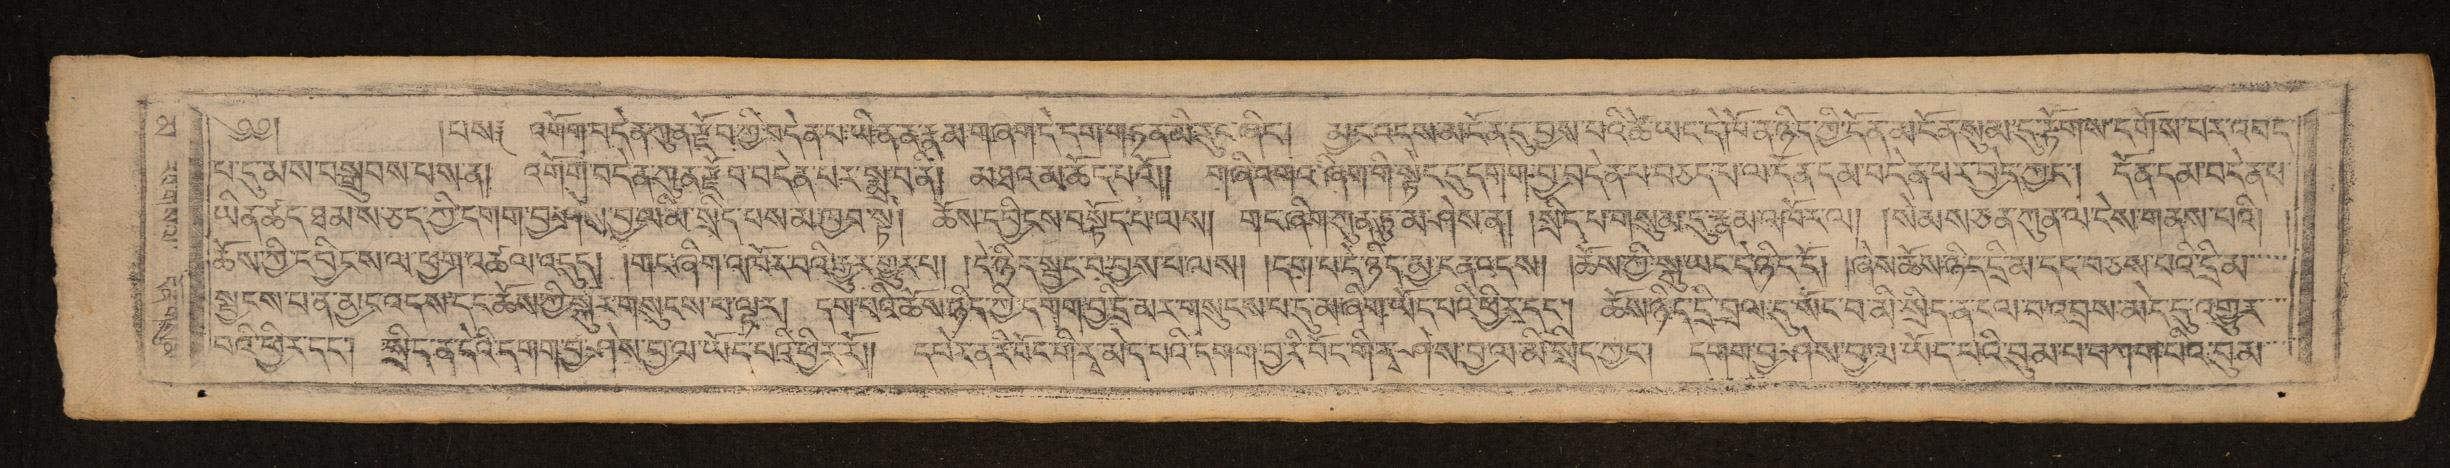༄༅། །པས༑ འགོག་བདེན་ཀུན་རྫོབ་ཀྱི་བདེན་པ་ཡིན་ན་རྣམ་བཞག་དེ་དག་གཏན་མི་རུང་ཞིང་། མྱང་འདས་མངོན་དུ་བྱས་པའི་ཚེ་ཡང་དེ་ཁོ་ན་ཉིད་ཀྱི་དོན་མངོན་སུམ་དུ་རྟོགས་དགོས་པར་འབད་
པ་དུ་མས་བསྒྲུབས་པས་ན། འགོག་བདེན་ཀུན་རྫོབ་བདེན་པར་སྨྲ་བ་ནི། མཐའ་མ་ཆོད་པའོ།། གཞི་འགའ་ཞིག་གི་སྟེང་དུ་དགག་བྱ་བདེན་པ་བཅད་པ་ལ་དོན་དམ་བདེན་པར་བྱེད་ཀྱང་། དོན་དམ་བདེན་པ་
ཡིན་ཚད་ཐམས་ཅད་ཀྱི་དགག་བྱ་ཤེས་བྱ་ལ་མི་སྲིད་པས་མ་ཁྱབ་སྟེ། ཆོས་དབྱིངས་བསྟོད་པ་ལས། གང་ཞིག་ཀུན་ཏུ་མ་ཤེས་ན། །སྲིད་པ་གསུམ་དུ་རྣམ་འཁོར་ལ། །སེམས་ཅན་ཀུན་ལ་ངེས་གནས་པའི།།
ཆོས་ཀྱི་དབྱིངས་ལ་ཕྱག་འཚལ་འདུད། །གང་ཞིག་འཁོར་བའི་རྒྱུར་གྱུར་པ། །དེ་ཉིད་སྦྱང་བ་བྱས་པ་ལས། །དག་པ་དེ་ཉིད་མྱ་ངན་འདས། །ཆོས་ཀྱི་སྐུ་ཡང་དེ་ཉིད་དོ། །ཞེས་ཆོས་ཉིད་དྲི་མ་དང་བཅས་པའི་དྲི་མ་
སྦྱངས་པ་ན། མྱང་འདས་དང་ཆོས་ཀྱི་སྐུར་གསུངས་པ་ལྟར། དག་པའི་ཆོས་ཉིད་ཀྱི་དགག་བྱ་དྲི་མར་གསུངས་པ་དུ་མ་ཞིག་ཡོད་པའི་ཕྱིར་དང་། ཆོས་ཉིད་དྲི་བྲལ་དུ་སོང་བ་མི་སྲིད་ན་ངལ་བ་འབྲས་མེད་དུ་འགྱུར་
བའི་ཕྱིར་དང་། སྲིད་ན་དེའི་དགག་བྱ་ཤེས་བྱ་ལ་ཡོད་པའི་ཕྱིར་རོ།། དཔེར་ན་རི་བོང་གི་རྭ་མེད་པའི་དགག་བྱ་རི་བོང་གི་རྭ་ཤེས་བྱ་ལ་མི་སྲིད་ཀྱང་། དགག་བྱ་ཤེས་བྱ་ལ་ཡོད་པའི་བུམ་པ་བཀག་པའི་བུམ་